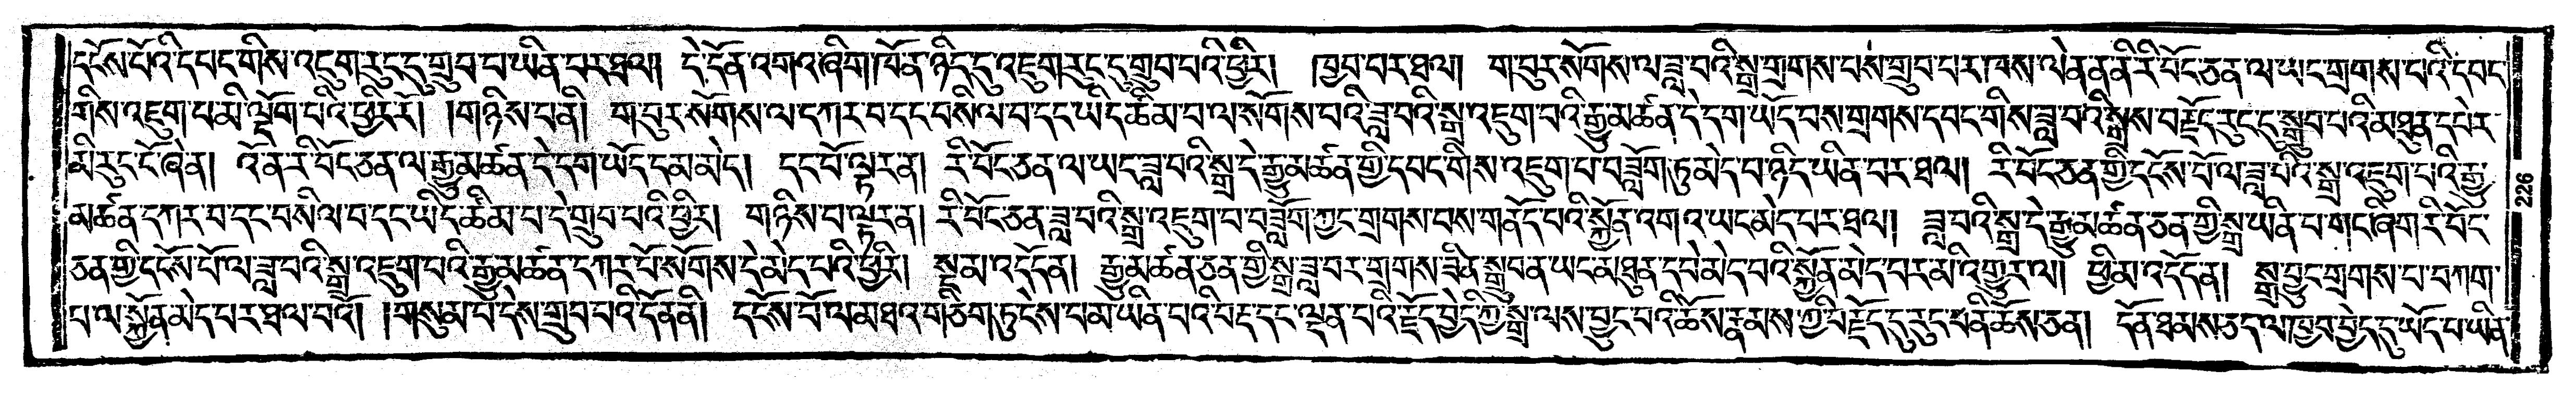དངོས་པོའི་དབང་གིས་འདུག་རུང་དུ་གྲུབ་པ་ཡིན་པར་ཐལ། དེ་དོན་འགའ་ཞིག་ཁོ་ན་ཉིད་དུ་འཇུག་རུང་དུ་གྲུབ་པའི་ཕྱིར། ཁྱབ་པར་ཐལ། ག་བུར་སོགས་ལ་ཟླ་བའི་སྒྲ་གྲགས་པས་གྲུབ་པར་ཁས་ལེན་ན་ནི་རི་བོང་ཅན་ལ་ཡང་གྲགས་པའི་དབང་
གིས་འཇུག་པ་མི་ལྡོག་པའི་ཕྱིར་རོ། །གཉིས་པ་ནི། ག་བུར་སོགས་ལ་དཀར་བ་དང་བསིལ་བ་དང་ཡིད་ཚིམ་པ་ལ་སོགས་པའི་ཟླ་བའི་སྒྲ་འཇུག་པའི་རྒྱུ་མཚན་དེ་དག་ཡོད་པས་གྲགས་དབང་གིས་ཟླ་བའི་སྒྲས་བརྗོད་རུང་དུ་སྒྲུབ་པའི་མཐུན་དཔེར་
མི་རུང་ངོ་ཞེ་ན། འོ་ན་རི་བོང་ཅན་ལ་རྒྱུ་མཚན་དེ་དག་ཡོད་དམ་མེད། དང་པོ་ལྟར་ན། རི་བོང་ཅན་ལ་ཡང་ཟླ་བའི་སྒྲ་དེ་རྒྱུ་མཚན་གྱི་དབང་གིས་འཇུག་པ་བཟློག་ཏུ་མེད་པ་ཉིད་ཡིན་པར་ཐལ། རི་བོང་ཅན་གྱི་དངོས་པོ་ལ་ཟླ་བའི་སྒྲ་འཇུག་པའི་རྒྱུ་
མཚན་དཀར་བ་དང་བསིལ་བ་དང་ཡིད་ཚིམ་པ་དེ་གྲུབ་པའི་ཕྱིར། གཉིས་པ་ལྟར་ན། རི་བོང་ཅན་ཟླ་བའི་སྒྲ་འཇུག་པ་བཟློག་ཀྱང་གྲགས་པས་གནོད་པའི་སྐྱོན་འགའ་ཡང་མེད་པར་ཐལ། ཟླ་བའི་སྒྲ་དེ་རྒྱུ་མཚན་ཅན་གྱི་སྒྲ་ཡིན་པ་གང་ཞིག་རི་བོང་
ཅན་གྱི་དངོས་པོ་ལ་ཟླ་བའི་སྒྲ་འཇུག་པའི་རྒྱུ་མཚན་དཀར་པོ་སོགས་དེ་མེད་པའི་ཕྱིར། སྔ་མ་འདོད་ན། རྒྱུ་མཚན་ཅན་གྱི་སྒྲ་ཟླ་བར་གྲགས་ཟིན་སྒྲུབ་ན་ཡང་མཐུན་དཔེ་མེད་པའི་སྐྱོན་མེད་པར་མི་འགྱུར་ལ། ཕྱི་མ་འདོད་ན། སྒྲ་བྱུང་གྲགས་པ་བཀག་
པ་ལ་སྐྱོན་མེད་པར་ཐལ་བའོ། །གསུམ་པ་དེས་གྲུབ་པའི་དོན་ནི། དངོས་པོ་ལ་མཐའ་གཅིག་ཏུ་ངེས་པ་མ་ཡིན་པའི་བརྡ་དང་ལྡན་པའི་རྗོད་བྱེད་ཀྱི་སྒྲ་ལས་བྱུང་བའི་ཆོས་རྣམས་ཀྱི་བརྗོད་དུ་རུང་བ་ནི་ཆོས་ཅན། དོན་ཐམས་ཅད་ལ་ཁྱབ་བྱེད་དུ་ཡོད་པ་ཡིན་